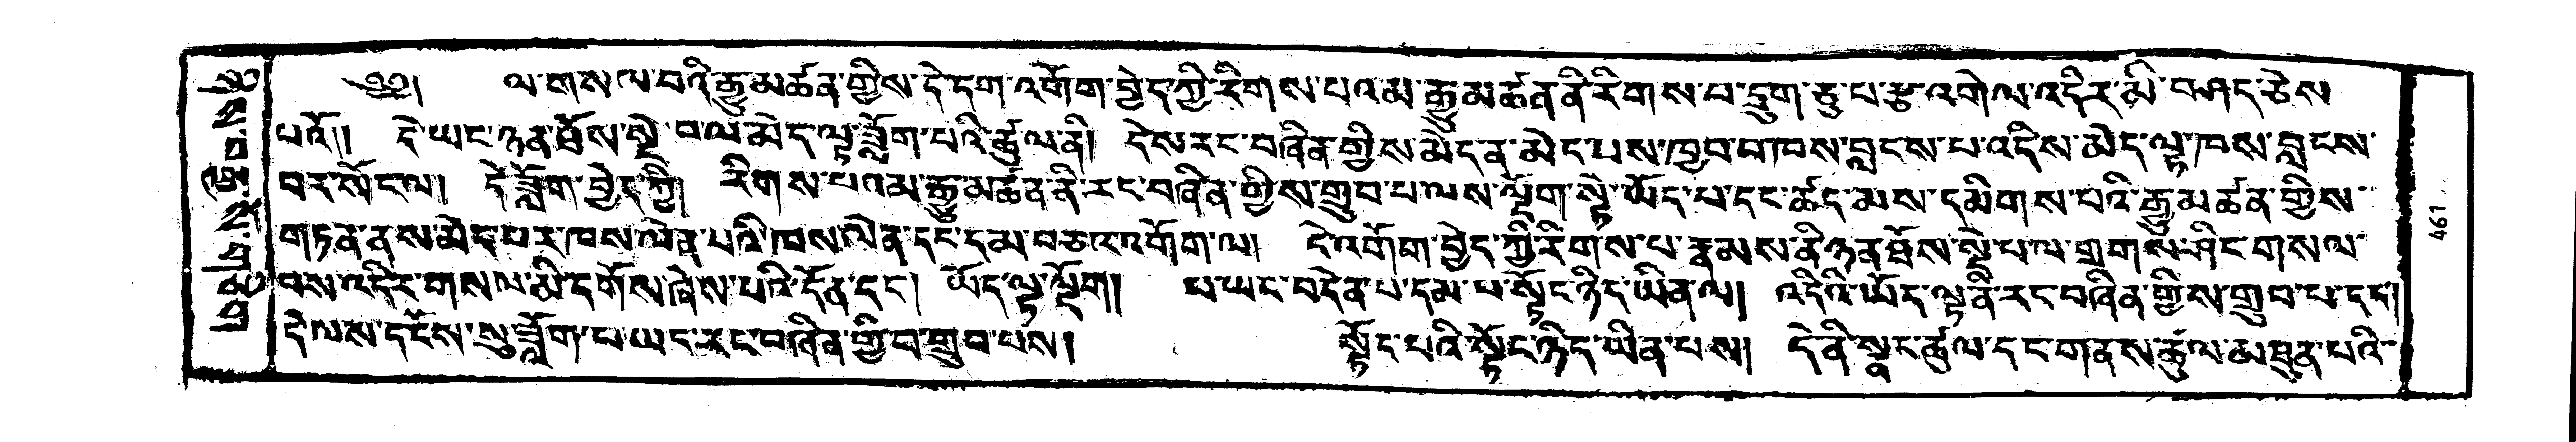༄༅། །ལ་གསལ་བའི་རྒྱུ་མཚན་གྱིས་དེ་དག་འགོག་བྱེད་ཀྱི་རིགས་པའམ་རྒྱུ་མཚན་ནི་རིགས་པ་དྲུག་ཅུ་པ་རྩ་འགེལ་འདིར་མི་བཤད་ཅེས་
པའོ། །དེ་ཡང་ཉན་ཐོས་སྡེ་བ་ལ་མེད་ལྟ་ཟློག་པའི་ཚུལ་ནི། དེས་རང་བཞིན་གྱིས་མེད་ན་མེད་པས་ཁྱབ་པ་ཁས་བླངས་པ་འདིས་མེད་ལྟ་ཁས་བླངས་
བར་སོང་ལ། དེ་ཟློག་བྱེད་ཀྱི། རིགས་པའམ་རྒྱུ་མཚན་ནི་རང་བཞིན་གྱིས་གྲུབ་པ་ལས་ལྡོག་སྟེ་ཡོད་པ་དང་ཚད་མས་དམིགས་པའི་རྒྱུ་མཚན་གྱིས་
གཏན་ནས་མེད་པར་ཁས་ལེན་པའི་ཁས་ལེན་དང་དམ་བཅའ་འགོག་ལ། དེ་འགོག་བྱེད་ཀྱི་རིགས་པ་རྣམས་ནི་ཉན་ཐོས་སྡེ་པ་ལ་གྲགས་ཤིང་གསལ་
བས་འདིར་གསལ་མི་དགོས་ཞེས་པའི་དོན་དང་། ཡོད་ལྟ་ལྡོག། པ་ཡང་བདེན་པ་དམ་པ་སྟོང་ཉིད་ཡིན་ལ། འདིའི་ཡོད་ལྟ་ནི་རང་བཞིན་གྱིས་གྲུབ་པ་དང་།
དེ་ལས་དངོས་སུ་ཟློག་པ་ཡང་རང་བཞིན་གྱི་བ་གྲུབ་པས། སྟོང་པའི་སྟོང་ཉིད་ཡིན་པས། དེ་ནི་སྣང་ཚུལ་དང་གནས་ཚུལ་མཐུན་པའི་